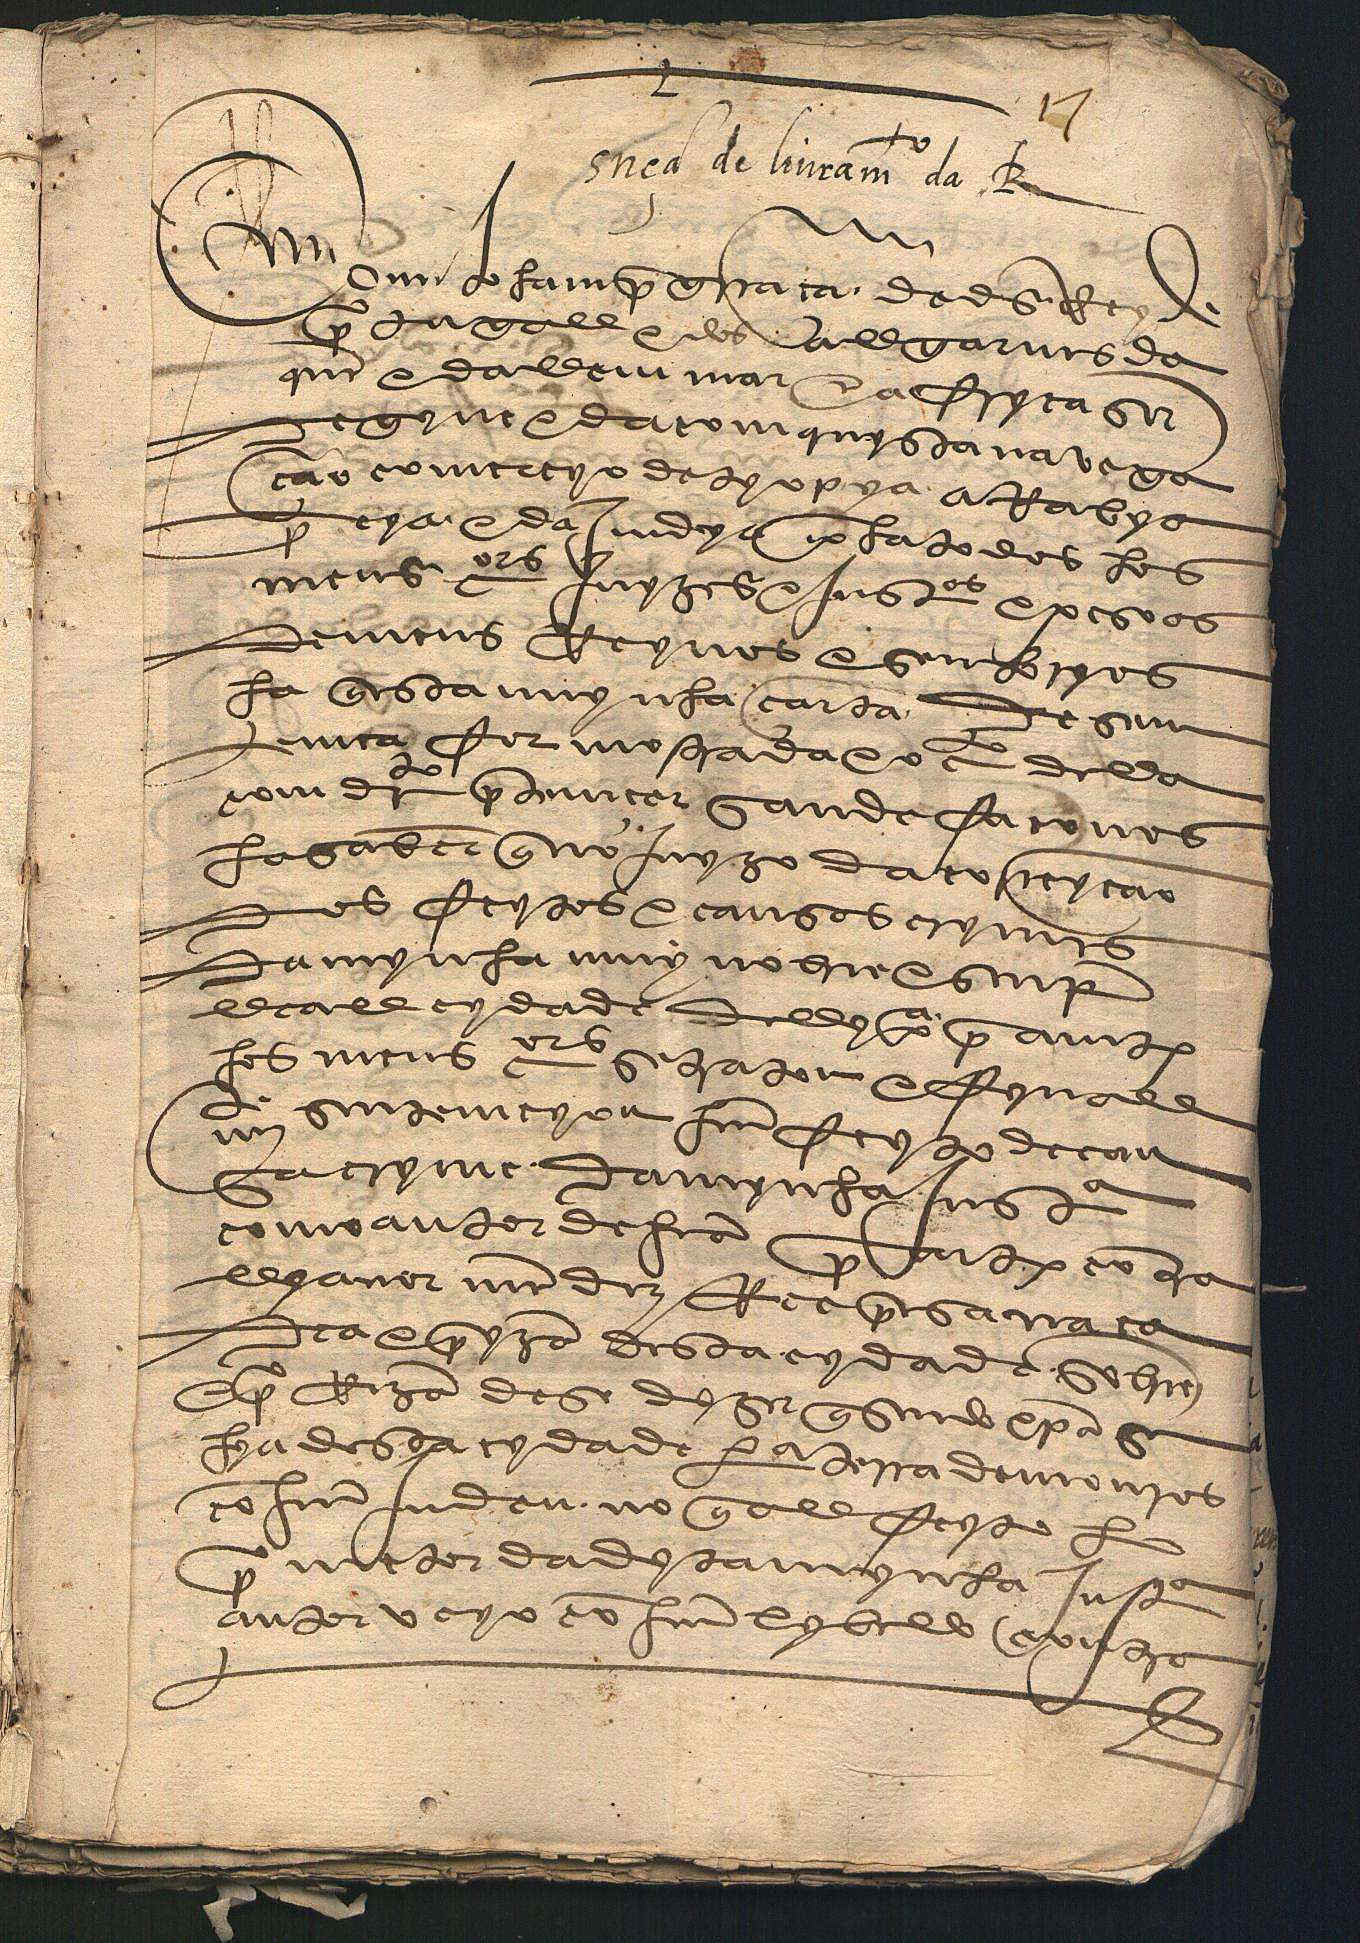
17
snçā de liuramto da R
Dom Ioham p̄ graça de ds̄ Rey de
p̄otugall e dos allgarues da
quē e dallem mar ē afryca s̄or
de gyne e da comquysta navega
ção comercyo detyopya aRabya
p̄cya e da Jmdya c̄ꝭ ha todos hos
meus Cors Juyzes e Justas e pesoas
de meus Reynos e senhoryos
ha q̄ esta mynha carta de sem
temça for mostrada e o cto della
com drto p̄temcer Saude faco uos
ha saber q̄ no Juyzo da correyção
dos feytos e causas crymes
da mynha muy nobre e semp̄
lleall cydade de llyxa p̄amtꝭ
hos meus cors se tratou e fynall
mte sentemcyou hū feyto de cau
sa cryme da mynha Justa
como autor de huā p̄artꝭ cōtra
llyanor mēdez Ree p̄sa na ca
dea e p̄yzā desta cydade sobre
e p̄o Rezā de se dyzer q̄ sendo xpā se
hya desta cydade ꝑa terra de mouros
c̄o hū Judeu. no q̄all feyto ho
p̄ometor da dyta mynha Justa
autor veyo c̄o hū lybello contra
